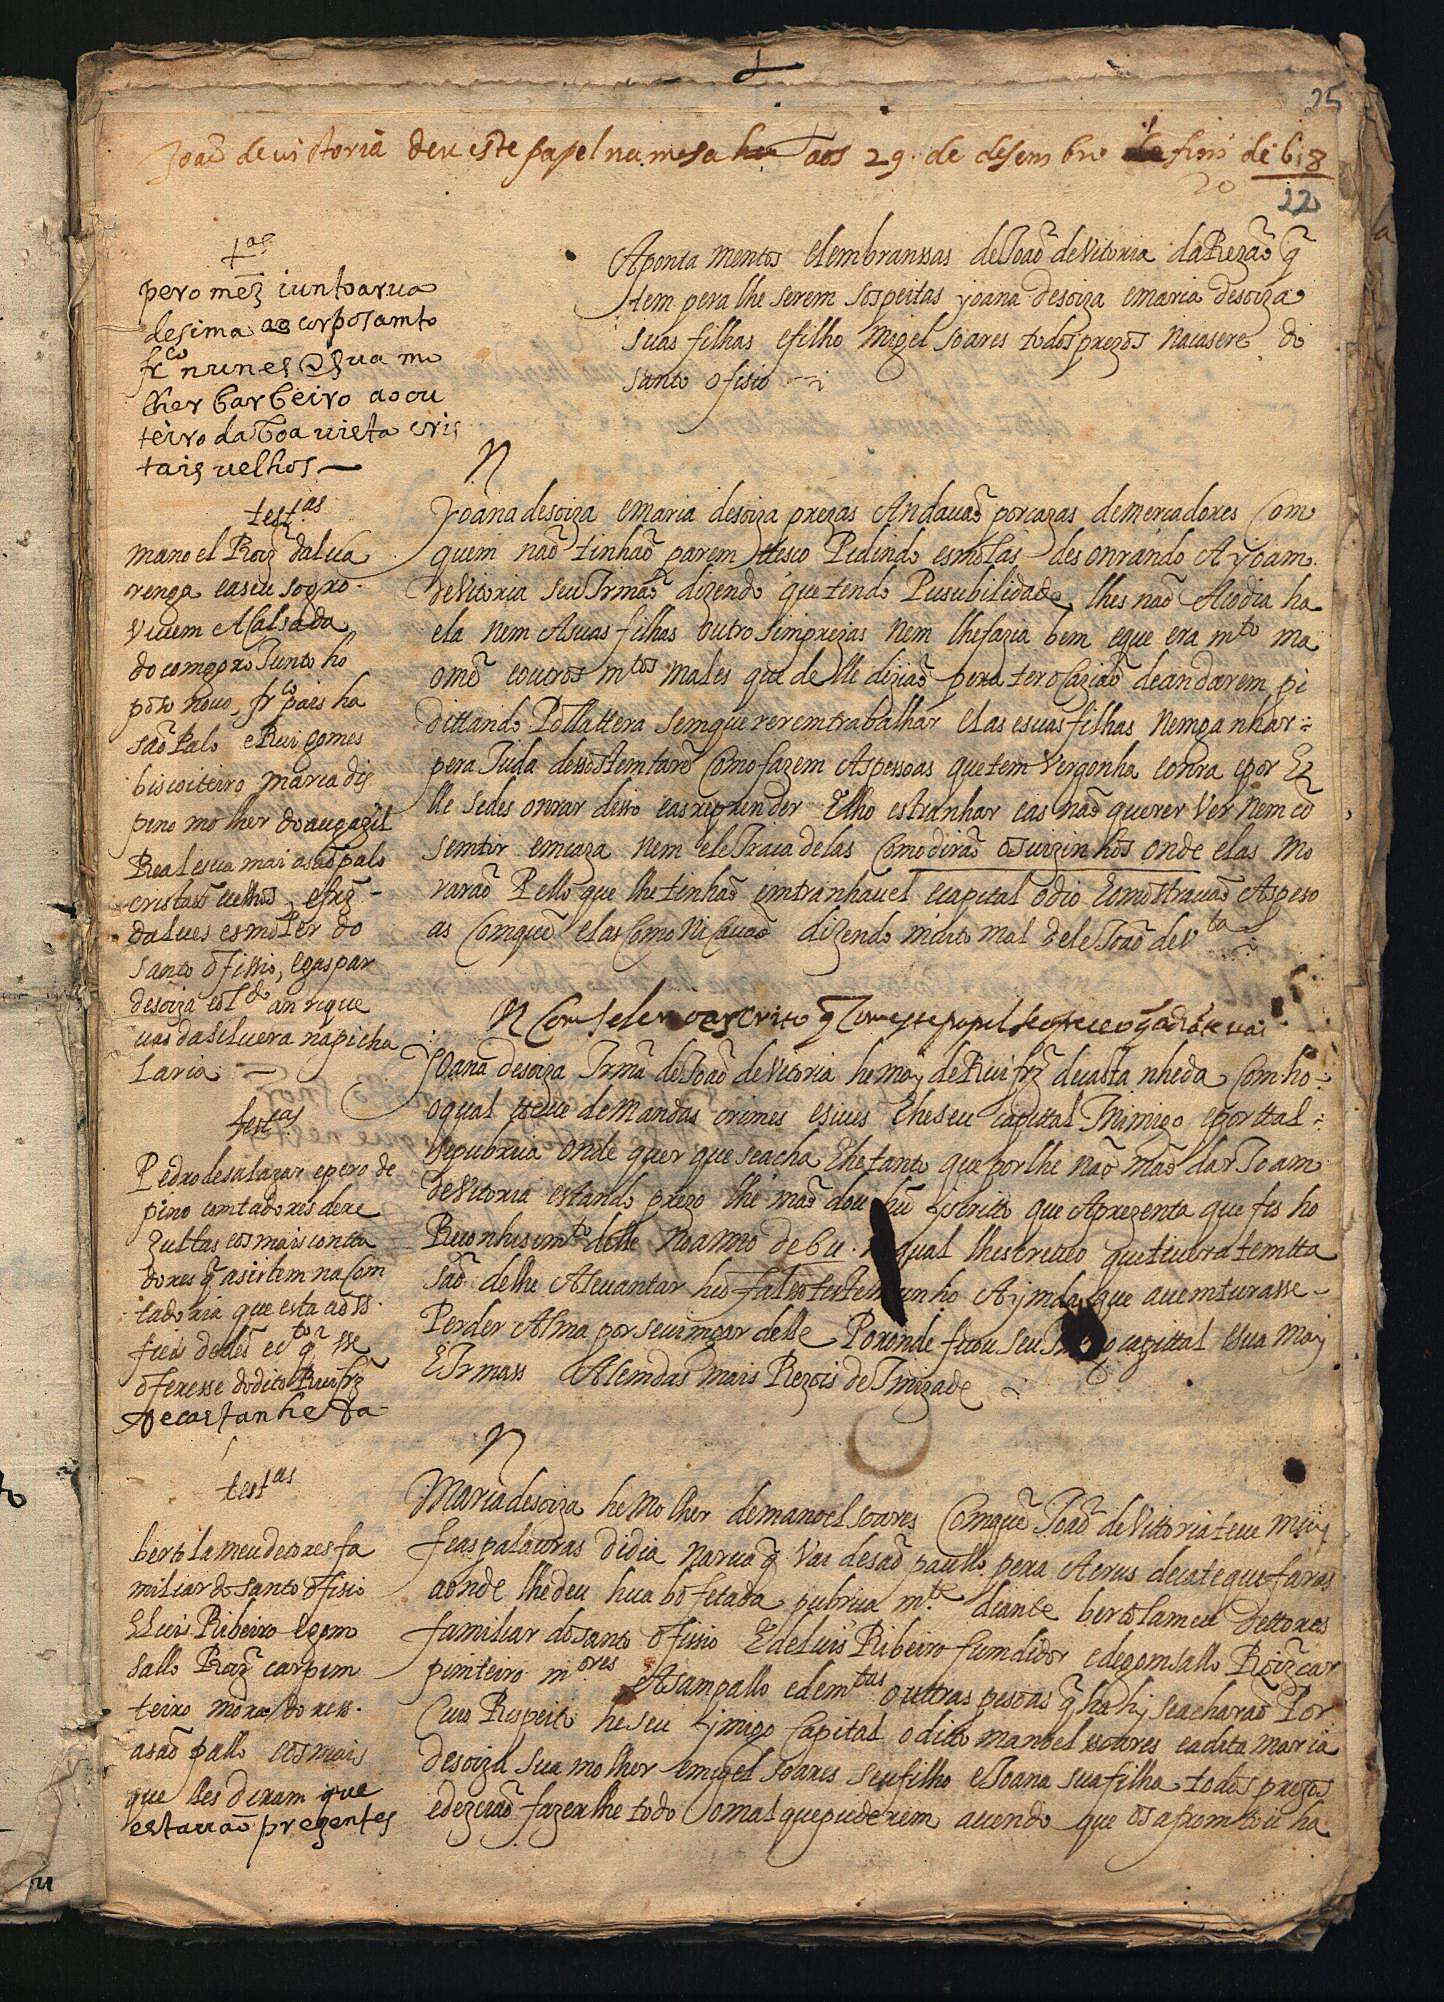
Joaõ de uictoria deu este papel na mesa hu aos 29 de desembro de fins de 618
Apontamentos e lembranssas de Ioão de Vitoria da Rezão q̄
tem pera lhe serem sospeitas yoanna de soiza e maria de soiza
suas filhas e filho migel soares todos prezos na casere do
santo ofisio
Yoanna de soiza e maria de soiza prezas Andauaõ por cazas de merçadores Com
quem não tinhão paremttesço Pidindo esmolas desonrando A Yoam
de Vitoria seu Irmaõ dizendo que tendo Pusubilidade lhes naõ Acodia ha
ela nem A suas filhas outro sim prezas nem lhe fazia bem e que era mto ma
omē e outros mtos males que delle diziaõ pera ter oCaziaõ de andarem pi
dittando Polla ttera sem quererem trabalhar elas e suas filhas nem ganhar
pera Iuda de ssostemtarē Como fazem As pessoas que tem Vergonha e onra e por E
lle se desonrar disso e as reprender E lho estranhar e as não querer Ver nem cō
Semtir em caza nem ele Iraça delas Como dirão os uizinhos onde elas mo
rarão Pello que lhe tinhaõ emtranhauel e capital odio E o mostrauão As peso
as Com quē elas ComoniCauão dizendo muito mal delle Ioão de Vta
N Com se ler o escrito q̄ Com este papel se ofreceo q̄ adiāte uai
Yoana de soiza Irmā de Ioaõ de Vitoria he may de Rui frz̄ de castanheda Com ho
o qual tteue demandas crimes e siues E he seu capittal Inimigo e por ttal
se pubrica onde quer que se acha E he tanto que por lhe naõ maõdar Ioam
de Vitoria estando prezo lhe maõdou hū yscritto que Aprezenta que fes ho
Reconhisimto delle no anno de 611 o qual lhescreueo que tiuera temtta
saõ de lhe Aleuantar hū falsso teste_unho Aymda que auemturasse
Perder Alma por se uimgar delle Por onde ficou seu
capittal e sua may
E Irmass Alem das mais Rezoiz de Imizade
Maria de soiza he molher de manoel soares Com quē Ioaõ de Vittoria teue muy
feas palauras di dia na rua q̄ Vai de saõ paullo pera A crus de catequefaras
aonde lhe deu hua bofetada pubricam.te diante bertolameu De ttores
familiar do santo ofissio E de Luis Ribeiro fumdidor e de gomsallo Roiz̄ car
pimteiro mores A sam pallo e de mtas outtras pesoas q̄ hahy se acharaõ Por
Cuio Respeito he seu ymigo Capital o ditto manoel ssoares e a dita maria
de soiza sua molher e migel soares seu filho e Ioana sua filha todos prezos
e dezeião fazer lhe todo o mal que puderem auendo que os afromtou ha
tas
pero mēz iunto a rua
de sima ao corpo samto
frco nunes e sua mo
lher barbeiro ao ou
teiro da boa uista cris
tais uelhos ~
test.as
manoel Roiz̄ dalua
renga e a seu sogro
Viuem A Calsada
do comgoro Iunto ho
poso nouo, frco pais ha
saõ Palo e Rui gomes
biscoiteiro maria dis
pino molher do augazil
Real e sua mai a saõ palo
cristais uelhos, e frz̄
dalues esmoler do
santo ofissio, e gaspar
de soiza e o ldo anrique
uas da siluera na picha
Laria
testas.
Pedro de salazar e pero de
pino comtadores de re
zultas e os mais contta
dores q̄ asistem na Com
tadoria que esta aoss
fiess de des̄ e cto q̄ sse
oferesse do dito Rui frz̄
De castanheDa
testas
bertolameu de tores fa
miliar do santo ofisio
E Luis Ribeiro e gom
sallo Roiz̄ carpim
teiro moradoress
a saõ pallo e os mais
que lles diram que
estauaõ prezentes
